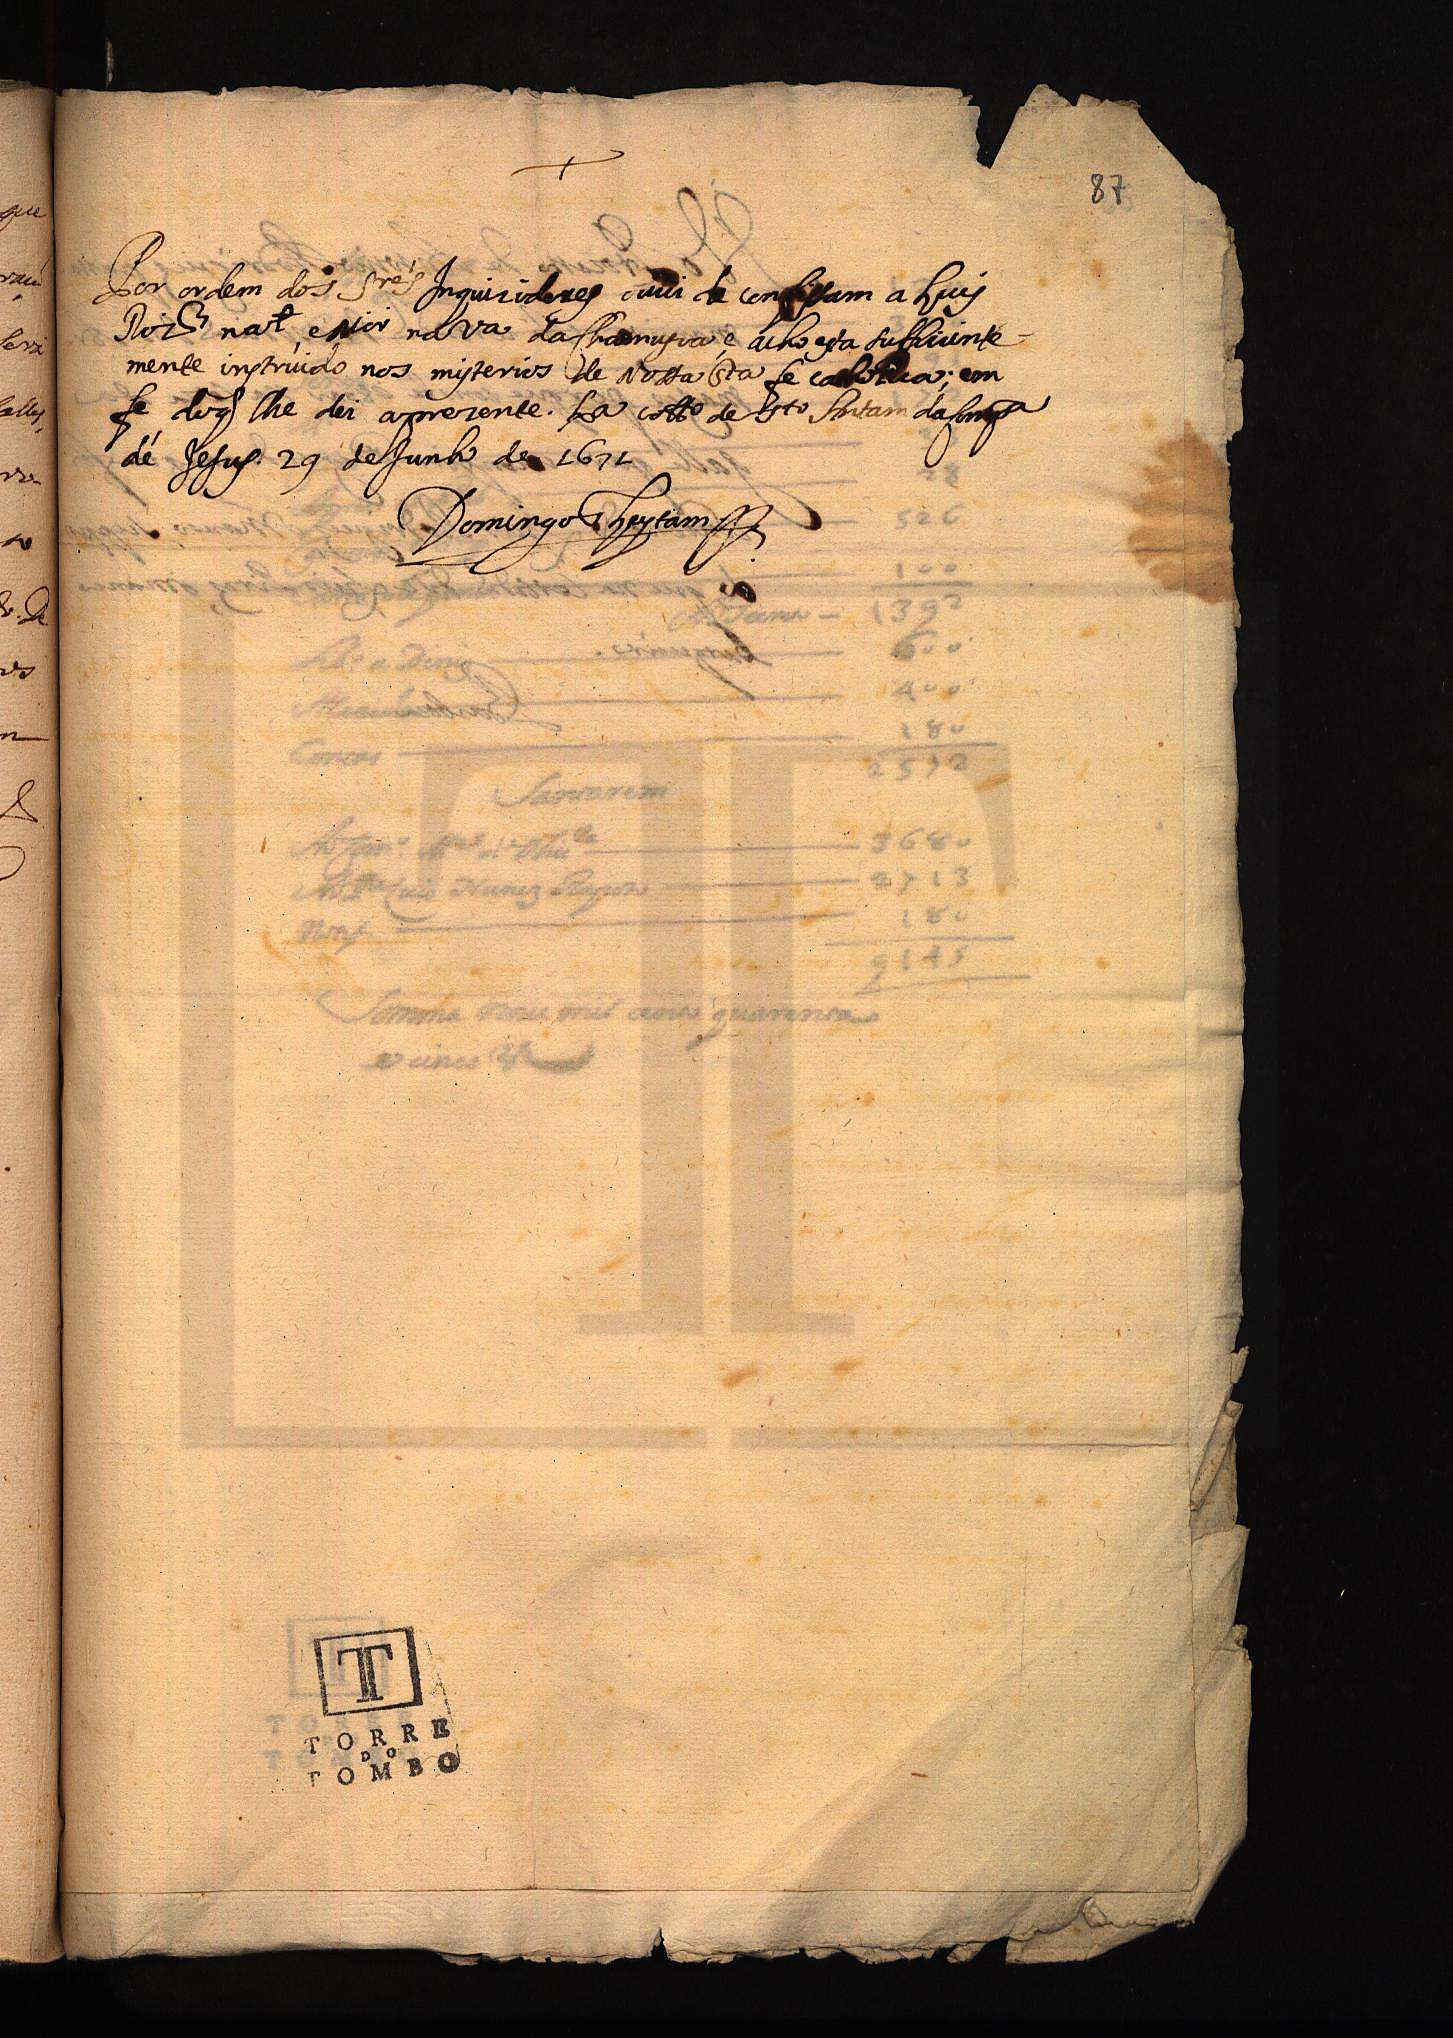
Por ordem dos S.res Jnquizidores ouui a confissam a Luis
Roiz̄ nal̄, e mor na Va da Chamusca, e acho esta sufficiente
mente instruido nos misterios de Nossa sta fe catholica; em
fe do q̄ lhe dei a prezente. Lxa coll̄o de Sto Antam da Compa
de Jesus. 29 de Junho de 1671
Domingos Leytam
